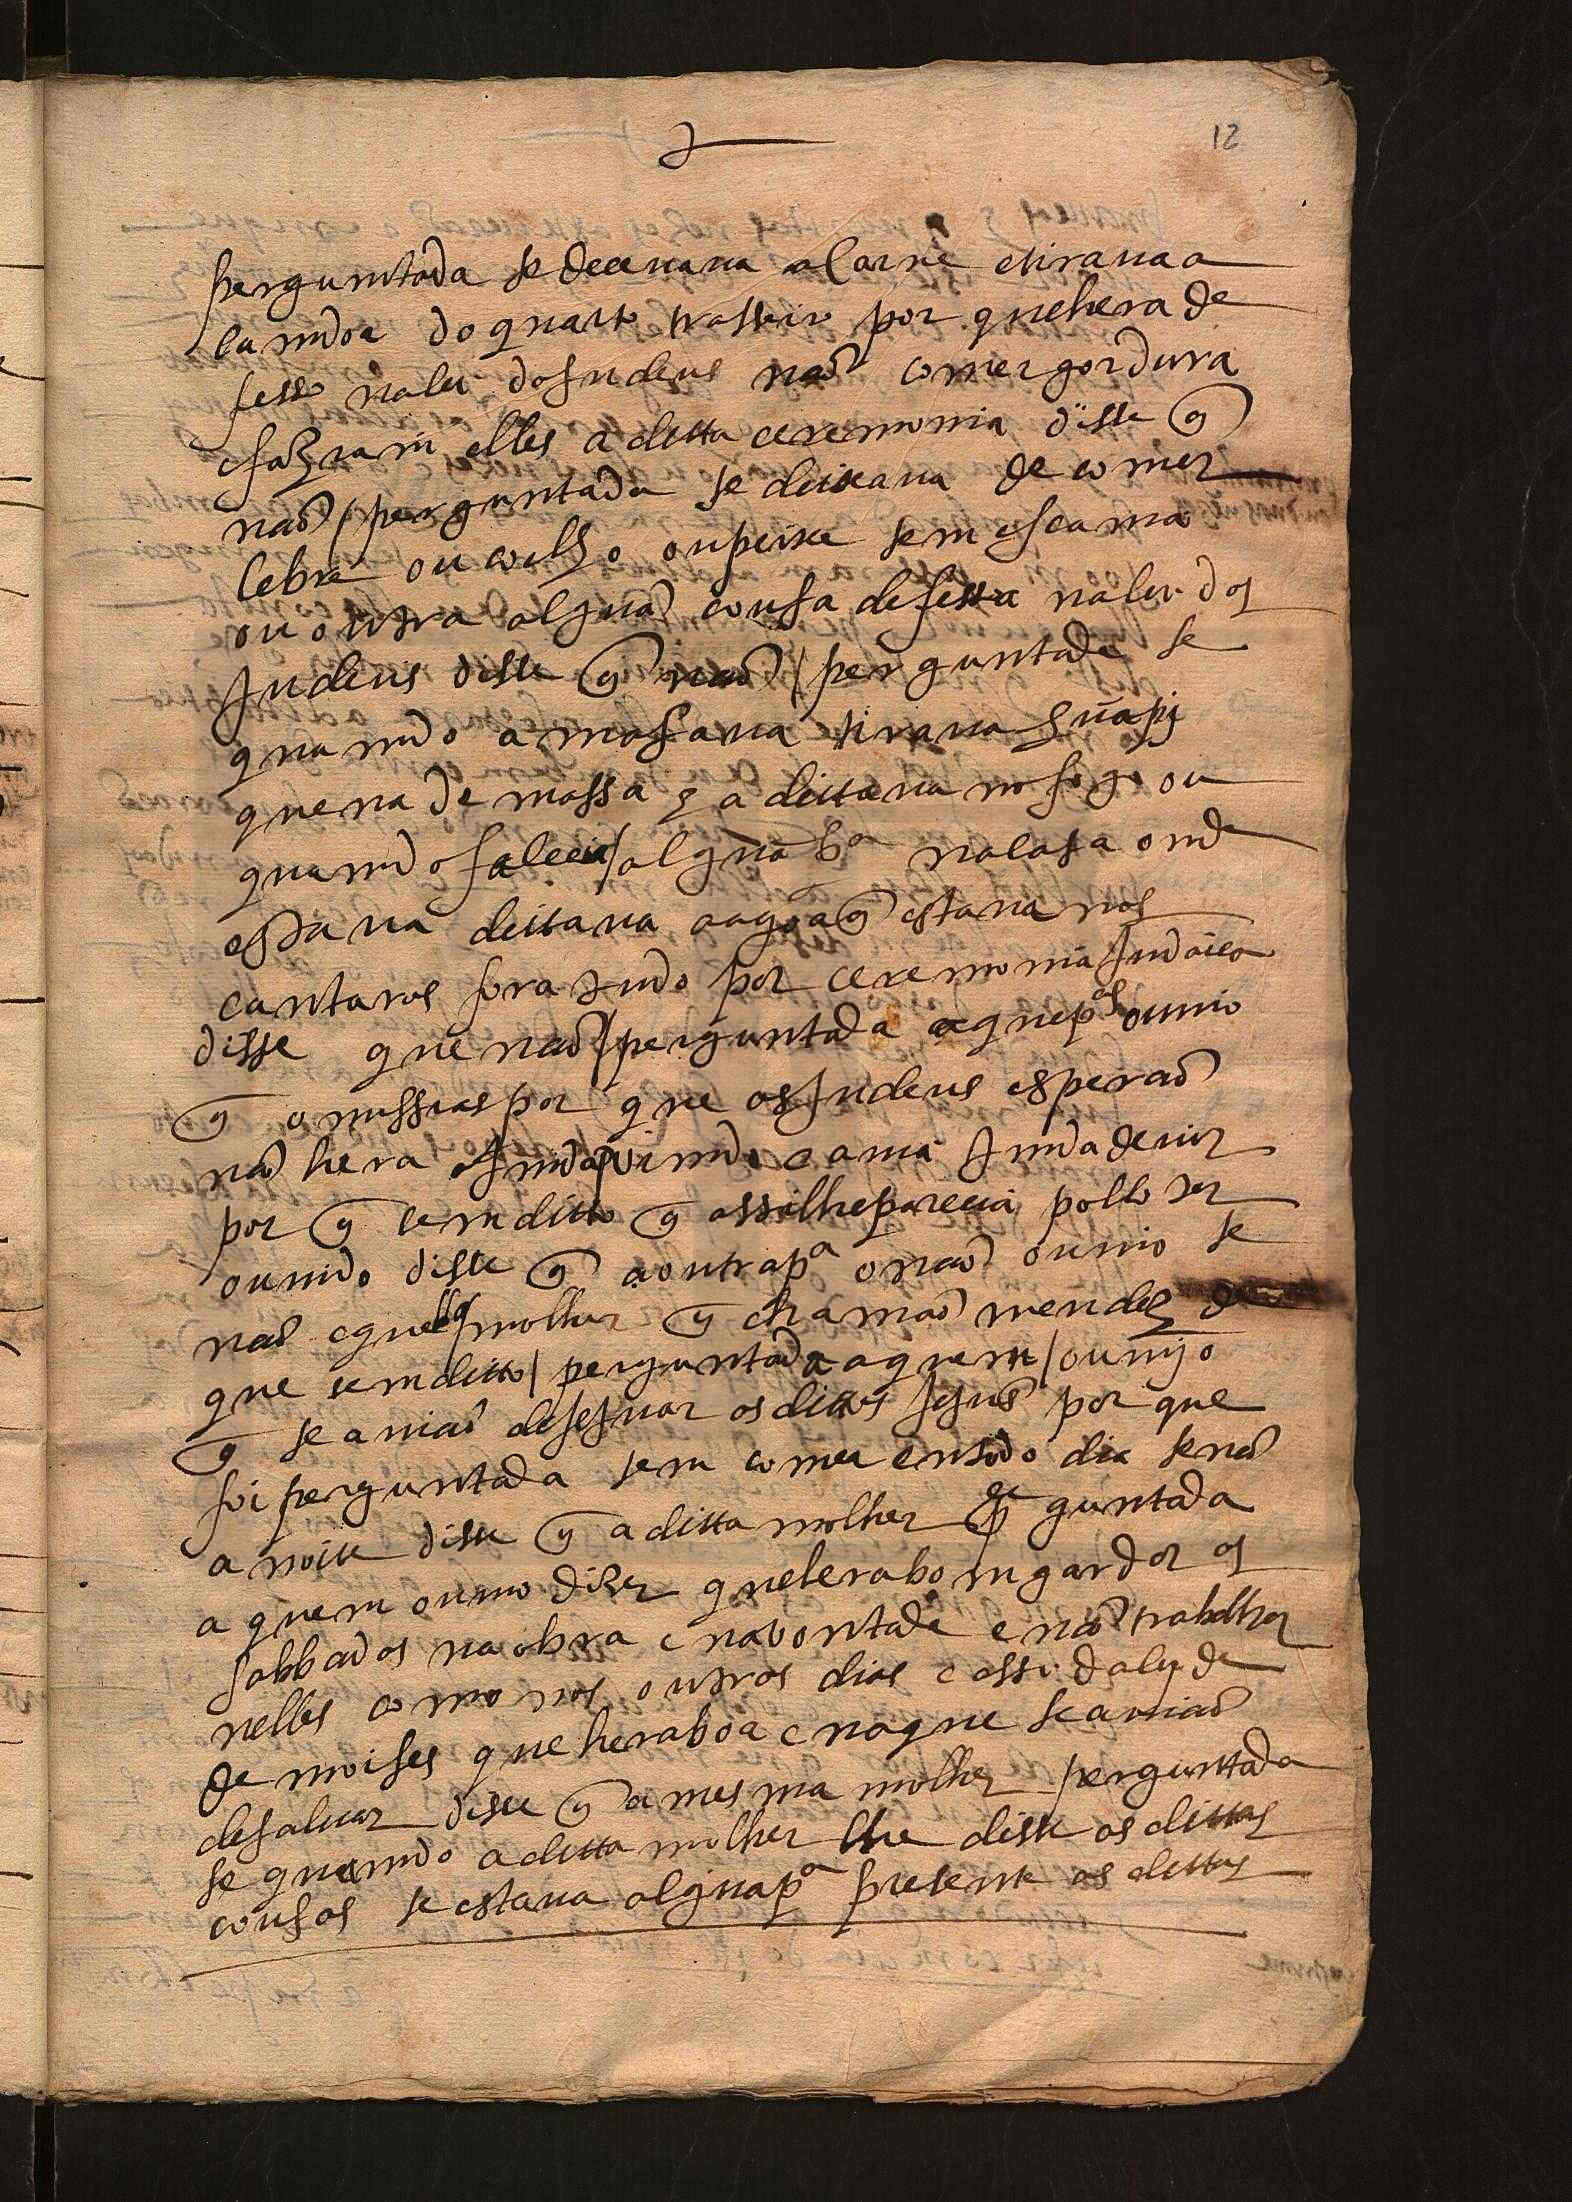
pergumtada se deceuaua a Carne e tiraua a
landoa do quarto trasseiro por que hera de
fesso na lei do Judeus naõ comer gordura
e faziam elles a ditta ceremonia disse q̄
naõ / perguntada se deixaua de comer
lebre ou coelho ou peixe sem escama
ou outra alguā cousa defessa na lei dos
Judeus disse q̄ naõ / perguntada se
quamdo amasaua tiraua hūa pj
quena de massa E a deitaua no fogo ou
quamdo falecia / alguā pa na casa onde
estaua deitaua a agoa q̄ estaua nos
cantaros fora tudo por ceremonia Judaica
disse que naõ / perguntada a que pas ouuio
q̄ o missias por que os Judeus esperaõ
não hera aJnda vimdo e auia Jmda de uir
por q̄ tem ditto q̄ assi lhe parecia pollo ter
ouuido disse q̄ a outra pa o naõ ouuio se
naõ aquella / molher q̄ chamaõ mendez de
que tem ditto / perguntada a quem / ouuyo
q̄ se auiaõ de JeJuar os dittos JeJūs por que
foi perguntada sem comer en todo dia senaõ
a noite disse q̄ a ditta molher p̄erguntada
a quem ouuio dizer que hera bom gardar os
sabbados na obra e na vontade e naõ trabalhar
nelles como nos outros dias e assi da lej de
de moises que hera boa e na que se auiaõ
de saluar disse q̄ a mesma molher perguntada
se quamdo a ditta molher lhe disse as dittas
cousas se estaua algua pa presente as dittas
